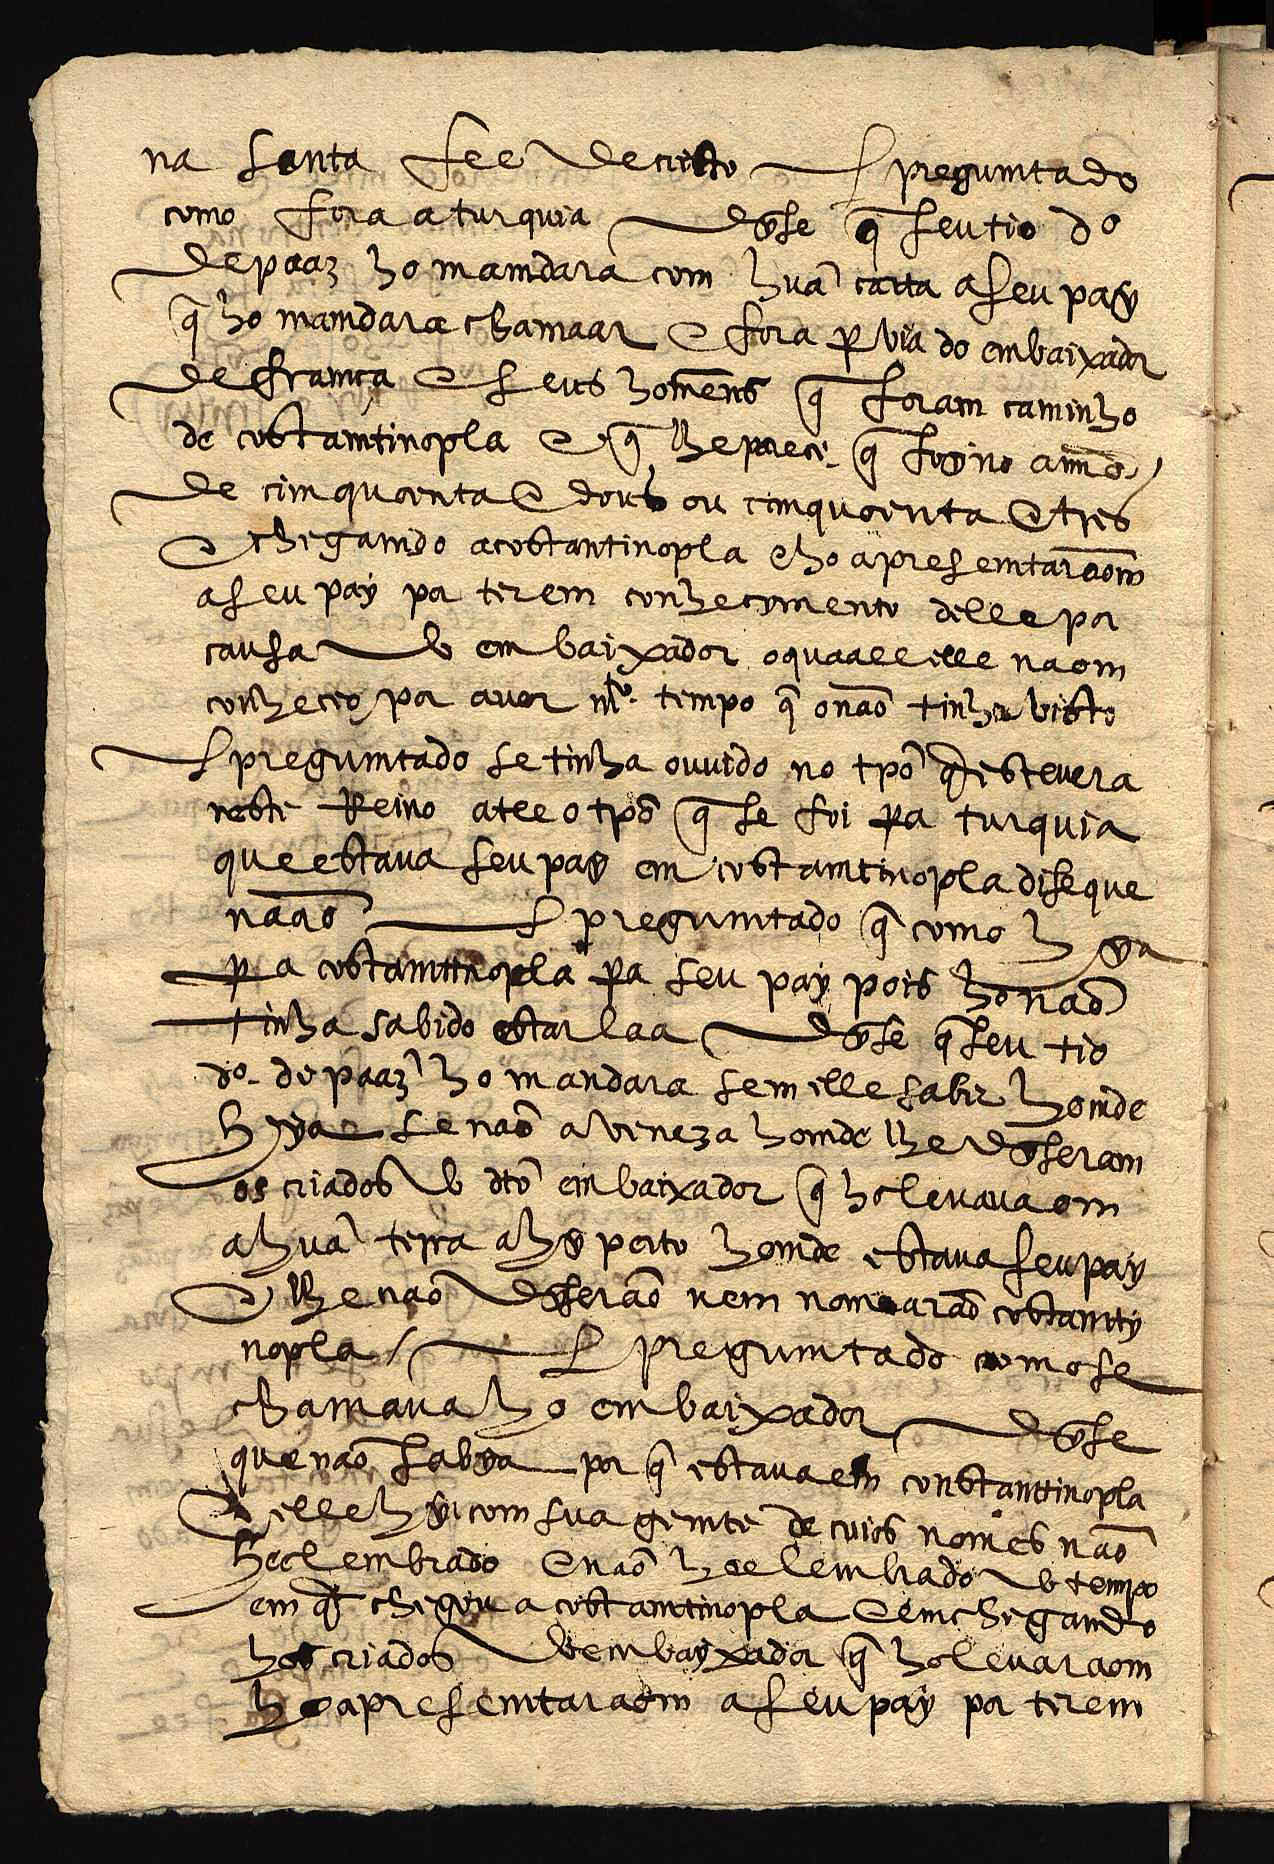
na santa fee de cristo + pregumtado
como fora a turquia dyse q̄ seu tio do
de paaz ho mamdara com huā carta a seu pay
q̄ ho mamdara chamaar e fora ꝑ via do embaixador
de framça e seus homēns q̄ foram caminho
de costamtinopla e q̄ lhe parece q̄ foy no ann̄o
de cimquoenta e dous ou cimquoenta e tres
e chegamdo a costantinopla e ho apresemtaraom
a seu pay por terem conhecymento delle por
causa do embaixador o quaall elle naom
conheceo por auer mto. tempo q̄ o não tinha visto
+ pregumtado se tinha ouuido no tpō q̄ esteuera
neste Reino atee o tpō q̄ se foi ꝑa turquia
que estaua seu pay em costamtinopla dise que
naão + pregumtado q̄ como hya
ꝑa costamtinopla ꝑa seu pay pois ho naõ
tinha sabido estar laa dyse q̄ seu tio
do. de paaz ho mandara sem elle saber homde
hya senaõ a veneza homde lhe dyseram
os criados do dtō embaixador q̄ ho leuauaom
a huā terra ahy perto homde estaua seu pay
e lhe naõ dysserão nem nomearão costamty
nopla / + pregumtado como se
chamaua ho embaixador dyse
que naõ sabya porq̅ estaua em constamtinopla
e elle hya com sua gemte de cuios nomes naõ
hee lembrado e naõ hee lembrado do tempo
em q̄ chegou a costamtinopla e em chegando
hos criados do embayxador q̄ ho leuaraom
ho apresemtaraom a seu pay por terem
